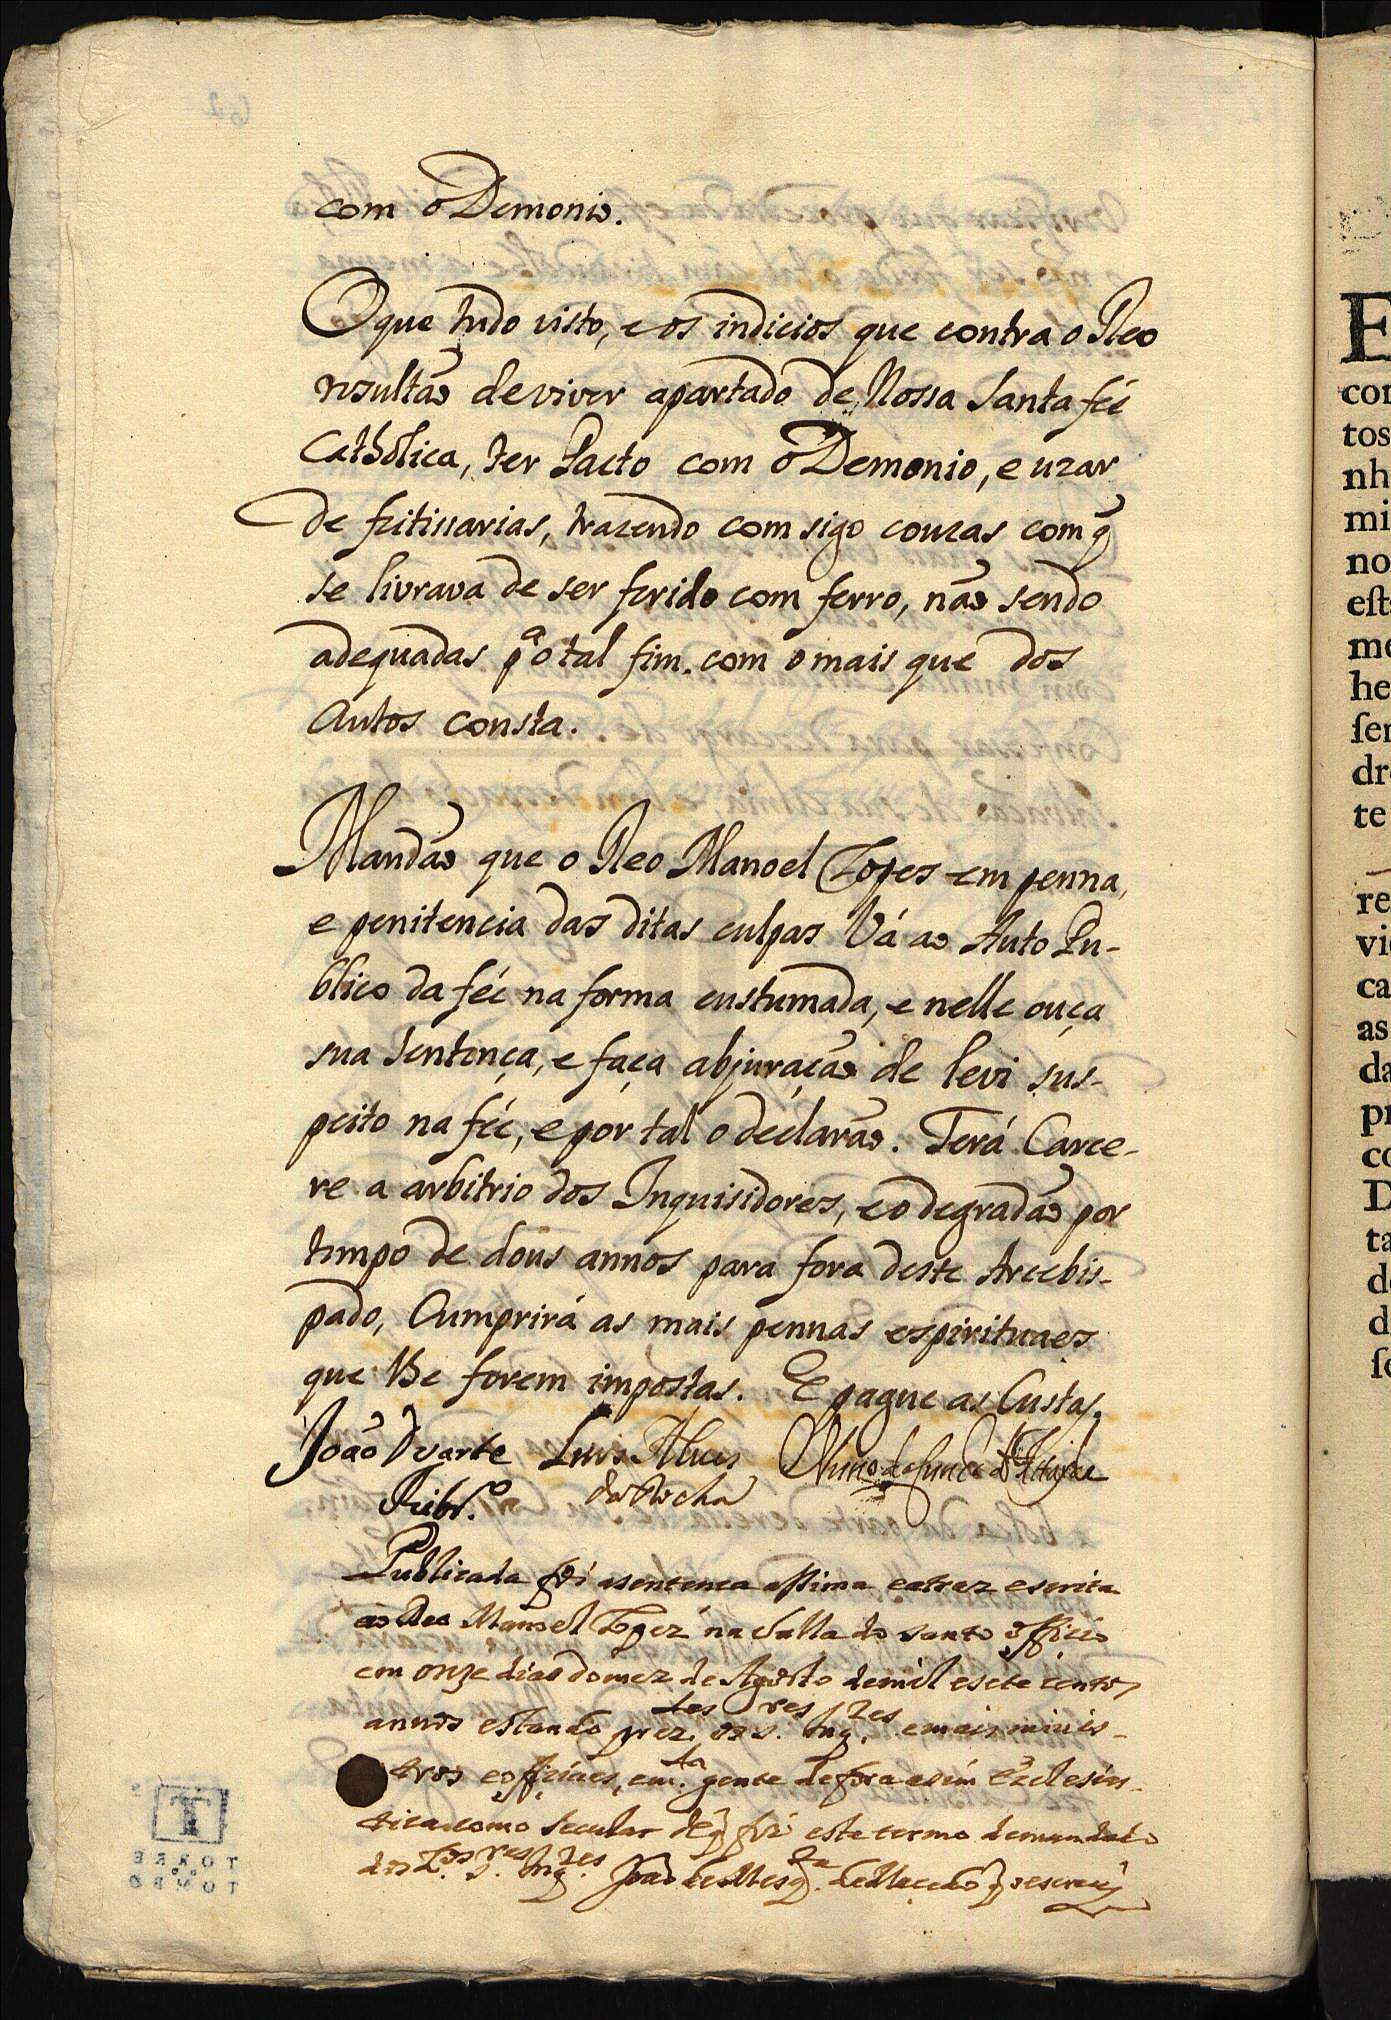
com o Demonio.
O que tudo visto, e os indicios que contra o Reo
resultaõ de viver apartado de Nossa Santa feé
Catholica, ter Pacto com o Demonio, e uzar
de feitissarias, trazendo comsigo couzas com q̄
se livrava de ser ferido com ferro, não sendo
adequadas pa o tal fim, com o mais que dos
Autos consta.
Mandão que o Reo Manoel Lopes em penna,
e penitencia das ditas culpas Vá ao Auto Pu
blico da fée na forma custumada, e nelle ouça
sua Sentença, e faça abjuração de levi, sus
peito na fée, e por tal o declarão. Terá Carce
re a arbitrio dos Inquisidores, e o degradaõ por
tempo de dous annos para fora deste Arcebis
pado, Cumprirá as mais pennas espirituaes
que lhe forem impostas. E pague as Custas.
Publicada foi a sentença assima e atraz escrita
ao Reo Manoel Lopez na Salla do santo officio
em onze dias do mez de Agosto de mil e setecentos
annos estando prez.tes os s.res Inq.res e mais minis
tros e offiçiaes, e m.ta gente de fora asim Ecclesias
tica como secular de q̄ fiz este termo de mandado
dos d̄.os s.res Inq.res Joaõ de Mesq.ta de Maçedo q̄ o escreuj
